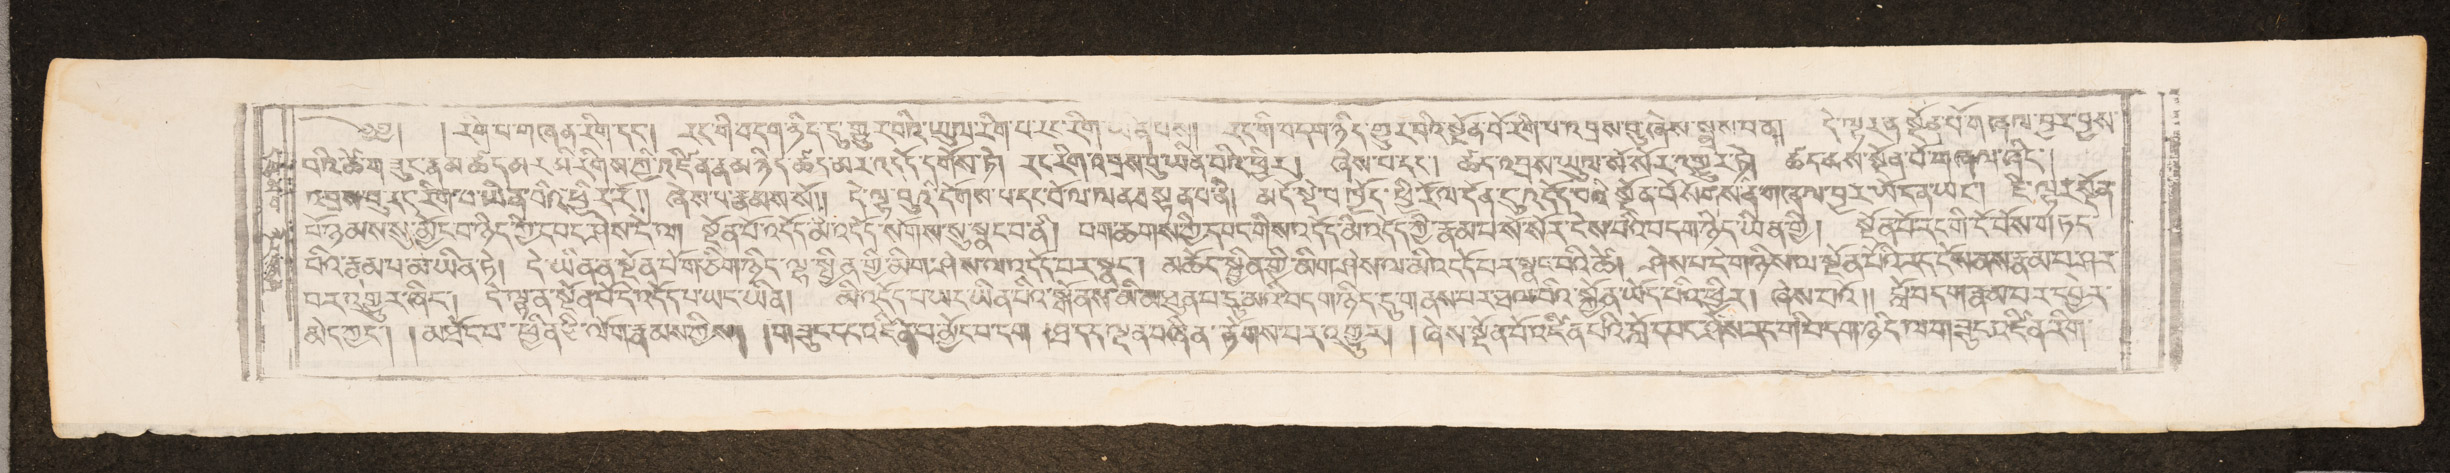༄༅། །རིག་པ་གཞན་རིག་དང་། རང་གི་བདག་ཉིད་དུ་གྱུར་བའི་ཡུལ་རིག་པ་རང་རིག་ཡིན་པས། རང་གི་བདག་ཉིད་གྱུར་བའི་སྔོན་པོ་རིག་པ་འབྲས་བུ་ཞེས་སྨྲས་པ་ན། དེ་ལྟར་ན་སྡོན་པོ་གཞལ་བྱར་བྱས་
བའི་ཚེ་གཟུང་རྣམ་ཚད་མར་མི་རིགས་ཀྱི་འཛིན་རྣམ་ཉིད་ཚད་མར་འདོད་དགོས་ཏེ། རང་རིག་འབྲས་བུ་ཡིན་བའི་ཕྱིར། ཞེས་པ་དང་། ཚད་འབྲས་ཡུལ་སོ་སོར་འགྱུར་ཏེ། ཚད་མས་སྡོན་པོ་གཞལ་ཞིང་།
འབྲས་བུ་རང་རིག་པ་ཡིན་པའི་ཕྱིར་རོ།། ཞེས་པ་རྣམས་སོ།། དེ་ལྟ་བུ་དོགས་པ་དང་པོ་ལ་བསྟན་པ་ནི། མདོ་སྡེ་བ་ཁྱོད་ཕྱི་རོལ་དོན་དུ་འདོད་པའི་སྔོན་པོ་སོགས་ནི་གཞལ་བྱར་ཡོད་ན་ཡང་། ཇི་ལྟར་སྔོན་
པོ་ཉམས་སུ་མྱོང་བ་ཉིད་ཀྱི་དབང་ཤེས་དེ་ལ། སྔོན་པོ་འདོད་མི་འདོད་སོགས་སུ་སྣང་བ་ནི། བག་ཆགས་ཀྱི་དབང་གིས་འདོད་མི་འདོད་ཀྱི་རྣམ་པ་སོ་སོར་ངེས་པའི་བདག་ཉིད་ཡིན་གྱི། སྔོན་པོ་རང་ཡི་ངོ་བོས་གཏད་
པའི་རྣམ་པ་མ་ཡིན་ཏེ། དེ་ཡིན་ན་སྔོན་པོ་གཅིག་ཉིད་ལྷ་སྦྱིན་གྱི་མིག་ཤེས་ལ་འདོད་པར་སྣང་། མཆོད་སྦྱིན་གྱི་མིག་ཤེས་ལ་མི་འདོད་པར་སྣང་བའི་ཚེ། ཤེས་པ་དེ་གཉིས་ལ་སྔོན་པོའི་རང་ངོས་ནས་རྣམ་པ་ཤར་
བར་འགྱུར་ཞིང་། དེ་ལྟ་ན་སྔོན་པོ་དེ་འདོད་པ་ཡང་ཡིན། མི་འདོད་པ་ཡང་ཡིན་པའི་སྒོ་ནས་མི་མཐུན་པ་དུ་མའི་བདག་ཉིད་དུ་གནས་པར་ཐལ་བའི་སྐྱོན་ཡོད་པའི་ཕྱིར། ཞེས་པའོ།། བློ་བདག་རྣམ་པར་དབྱེར་
མེད་ཀྱང་། །མཐོང་པ་ཕྱིན་ཅི་ལོག་རྣམས་ཀྱིས། །གཟུང་དང་འཛིན་པ་མྱོང་བ་དག །ཐ་དད་ལྡན་བཞིན་རྟོགས་པར་འགྱུར། །ཞེས་སྡོན་པོ་འཛིན་པའི་བློ་དབང་ཤེས་རང་གི་བདག་ཉིད་ལ་གཟུང་འཛིན་རིག་